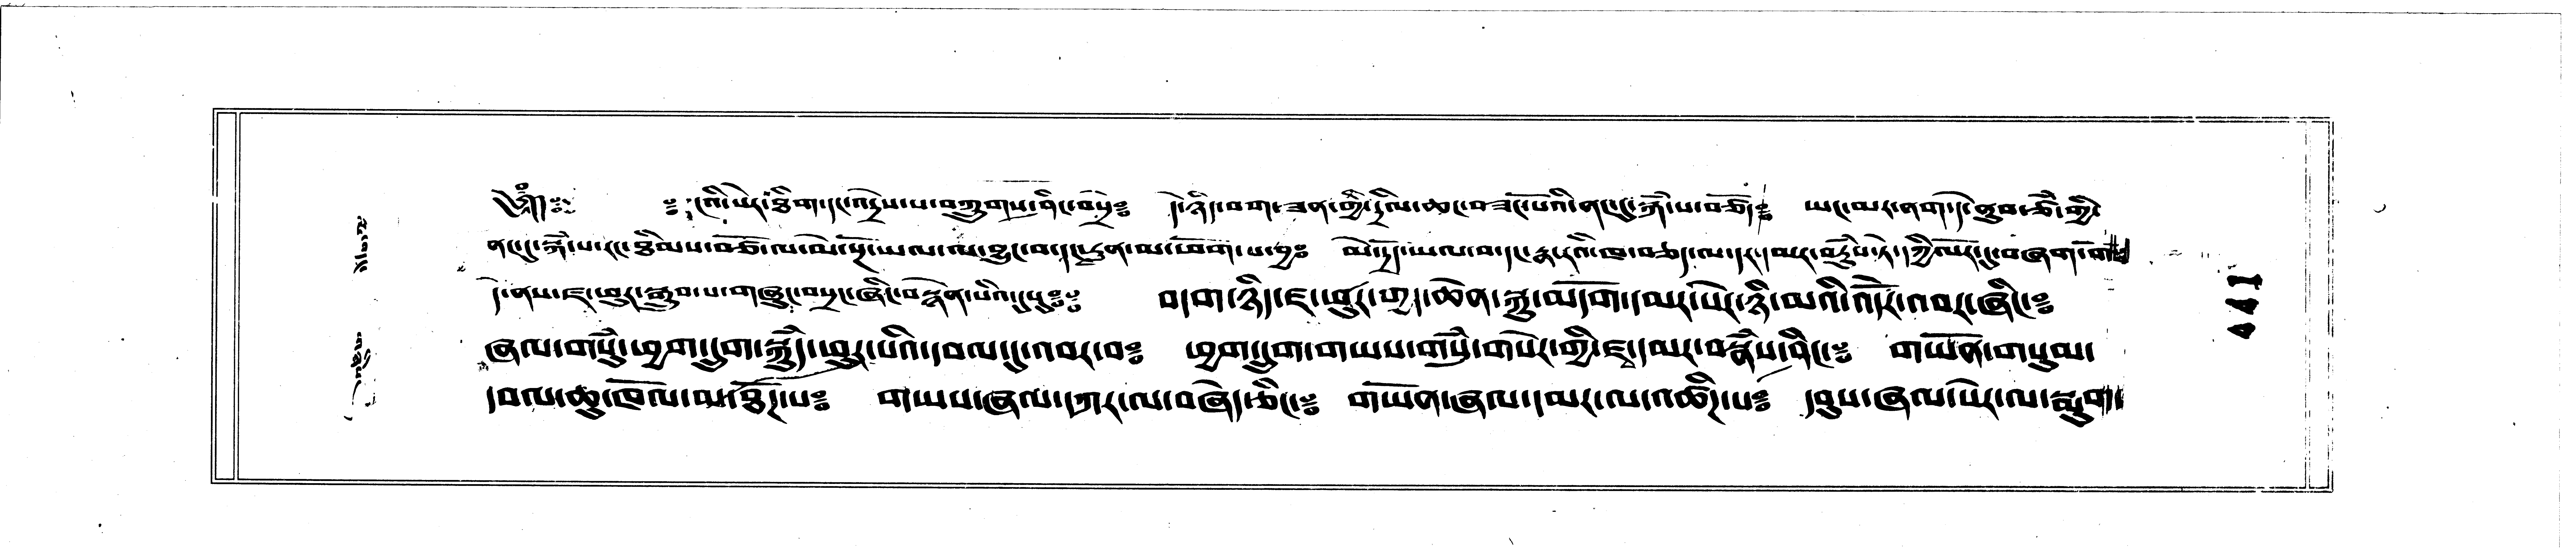༔ངའི་སེར་ཐིག་དང་འདྲེས་པ་བཀྲུགས་ཤིང་བསྲེ༔དེ་ནི་བག་ཟན་གྱི་དྲིལ་ཆང་བཟང་པོའི་ནང་དུ་སྐམ་པ་བཙོད༔ཡང་མར་ནག་དེ་ནུབ་ཙམ་གྱི་
ནང་དུ་སྐམ་པ་རང་ཐིམས་བཙོ་ལ་མེ་སྔོ་ཡལ་ལ་བྱུང་བ་དང་རླན་མ་ཕོག་པ་བྱ༔མེ་དྲོད་ཡལ་བ་དང་རྣ་རྭའི་ཁ་བཅད་ལ་དར་དམར་བཏུམས་ཏེ་དཀྱིལ་འཁོར་དུ་བཞག་གོ༔ 
དེ་ནས་ཛྭ་ཕུར་སྒྲུབ་པ་གཞུང་བསྲང་ཞིང་བསྙེན་པའི་དུས་སུ༔༔ བདག་ཉིད་ཛྭ་ཕུར་གྱད་ཆེན་སྐུ་མདོག་དམར་པོར་ཉི་མའི་འོད་ཟེར་འབར་ཞིང་༔
 ཞལ་གསུམ་ཕྱག་དྲུག་སྐུ་སྨད་ཕུར་པའི་དབལ་དུ་འབར་བ༔ཕྱག་དྲུག་གཡས་གསུམ་གསེར་གྱི་ཛྭ་དམར་བསྣམས་ཤིང་༔གཡོན་གསུམ་
དབལ་ཆུ་ཁོལ་མ་ཐོགས་པ༔གཡས་ཞལ་དཀར་ལ་བཞད་ཅིང་༔གཡོན་ཞལ་དམར་ལ་འཚིགས་པ༔དབུས་ཞལ་སེར་ལ་སྨུག་